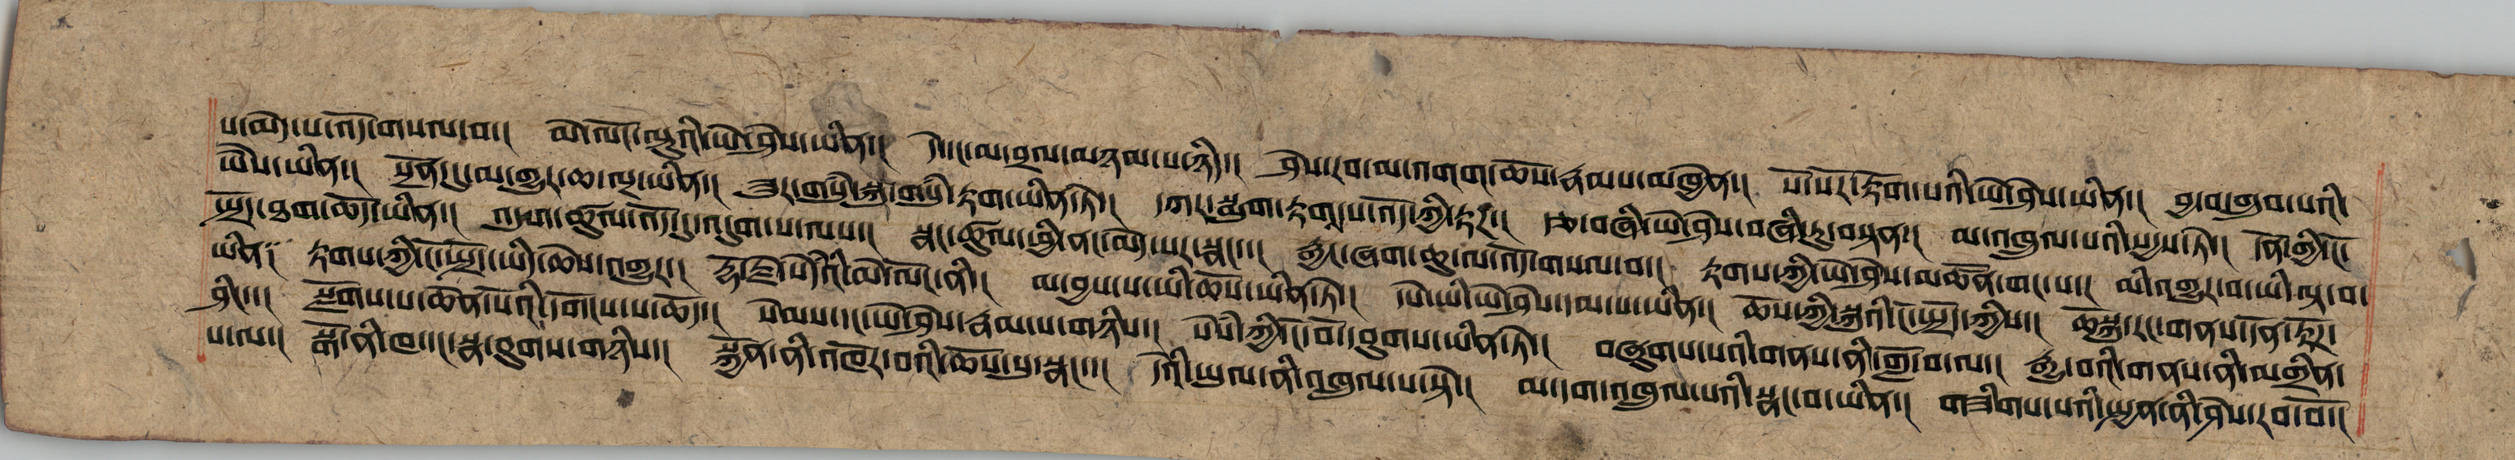པ་མེད་པ་འོད་གསལ་བ་། མེ་ལོང་ལྟུའི་ཡེ་ཤེས་ཡིན་། དེ་དང་མ་བྲལ་མཉམ་པ་ཉིད་། ཤེས་རབ་མ་འགག་ཆོས་རྣམས་མཁྱེན་། སོ་སོར་རྟོག་པའི་ཡེ་ཤེས་ཡིན་། བྱ་བ་གྲུབ་པའི་
ཡཻས་ཡིན་། སྔོན་དུ་མ་གྱུར་ཆ་ལྔ་ཡིན་། ཟུར་གསུཾ་སྐུ་གསུཾ་རྟག་ཡིན་ཏེ་། དཀར་སྨུག་རྟག་པ་འོད་ཀྱི་རྟཌ་། རྩ་བཞི་ཡེ་ཤེས་བཞི་རུ་བསྟན་། མ་འཁྲུལ་པའི་སདྱས་ཏེ་། དོན་གྱི་ངོ་
སྤྲོད་ཐག་ཆོད་ཡིན་། འདུག་ཚུལ་འོད་དུ་འདུག་པ་ལས་། སྣང་ཚུལ་ཕྱི་ནང་མེད་པར་སྣང་་། རྒྱང་ཞག་ཆུ་ལ་འོད་གསལ་བ་། རྟགས་ཀྱི་ཡེ་ཤེས་མཚོན་གང་པ་། མི་འགྱུར་བ་ཡི་ལྟ་བ་
ཡིན༑ རྟགས་ཀྱི་ངོ་སྤྲོད་ཡིད་ཆེས་འགྱུར་། རྡོ་རྗེ་སེདཾའི་མེ་ལོང་ནི་། མ་བྱས་པ་ཡི་ཆོས་ཡིན་ཏེ་། དཔེ་ཡི་ཡེ་ཤེས་དམ་པ་ཡིན། ཆོས་ཀྱི་སྐུའི་ངོ་སྤྲོད་ཀྱིས་། ཆོསྐུ་རང་གནས་དོན་རྟོཌ་
ཤིང་་། སྫོགས་པ་ཆེན་པོའི་དགོངས་པ་ཆོད་། སེམས་དང་ཡེ་ཤེས་རྣམ་པ་གཉིས་། སེཾས་ཀྱི་ངོ་བོ་དབུགས་ཡིན་ཏེ་། བཞུགས་པའི་གནས་ནི་གློ་བ་ལ་། རྒྱུ་བའི་གནས་ནི་མགྲིན་
པ་ལ་། སྒོ་ནི་ཁ་དང་སྣ་བུགས་གཉིས་། སྐྱོན་ནི་འཁོར་བའི་ཆོས་སུ་སྣང་་། དེའི་ཡུལ་ནི་འཁྲུལ་པ་སྟེ་། མ་དག་འཁྲུལ་པའི་སྣང་བ་ཡིན་། གཟིགས་པའི་སྤྱན་ནི་ཤེས་རབ་བོ་།